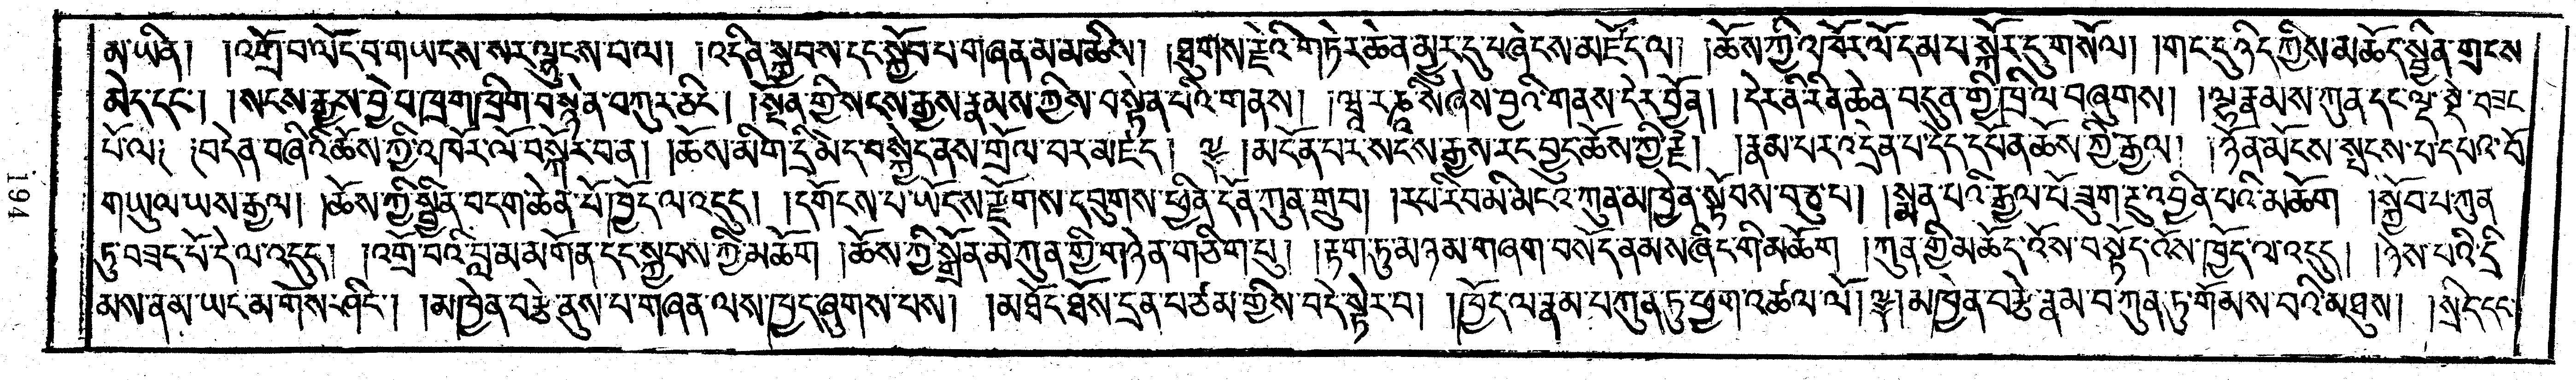མ་ཡིན། །འགྲོ་བ་ལོང་བ་གཡངས་སར་ལྷུངས་བ་ལ། །འདི་ན་སྐྱབས་དང་སྐྱོབ་པ་གཞན་མ་མཆིས། །ཐུགས་རྗེའི་གཏེར་ཆེན་མྱུར་དུ་པ་ཞེངས་མཛོད་ལ། །ཆོས་ཀྱི་འཁོར་ལོ་དམ་པ་སྐོར་དུ་གསོལ། །གང་དུ་ཉིད་ཀྱིས་མཆོད་སྦྱིན་གྲངས་
མེད་དང་། །སངས་རྒྱས་བྱེ་བ་ཁྲག་ཁྲིག་བསྙེན་བཀུར་ཅིང་། །སྔོན་གྱི་སངས་རྒྱས་རྣམས་ཀྱིས་བསྟེན་པའི་གནས། །ཝཱ་ར་ཎཱ་སི་ཞེས་བྱའི་གནས་དེར་བྱོན། །དེར་ནི་རིན་ཆེན་བདུན་གྱི་ཁྲིལ་བཞུགས། །ལྷ་རྣམས་ཀུན་དང་ལྔ་སྡེ་བཟང་
པོ་ལ༑ ༑བདེན་བཞིའི་ཆོས་ཀྱི་འཁོར་ལོ་བསྐོར་བ་ན། །ཆོས་མིག་དྲི་མེད་བསྐྱེད་ནས་གྲོལ་བར་མཛད། ༈ །མངོན་པར་སངས་རྒྱས་རང་བྱུང་ཆོས་ཀྱི་རྗེ། །རྣམ་པར་འདྲེན་པ་དེད་དཔོན་ཆོས་ཀྱི་རྒྱལ། །ཉོན་མོངས་སྤངས་པ་དཔའ་བོ་
གཡུལ་ཡས་རྒྱལ། །ཆོས་ཀྱི་སྦྱིན་བདག་ཆེན་པོ་ཁྱོད་ལ་འདུད། །དགོངས་པ་ཡོངས་རྫོགས་དབུགས་ཕྱིན་དོན་ཀུན་གྲུབ། །རབ་རིབ་མི་མངའ་ཀུན་མཁྱེན་སྟོབས་བཅུ་པ། །སྨན་པའི་རྒྱལ་པོ་ཟུག་རྡུ་འབྱིན་པའི་མཆོག །སྐྱོབ་པ་ཀུན་
ཏུ་བཟང་པོ་དེ་ལ་འདུད། །འགྲོ་བའི་བླ་མ་མགོན་དང་སྐྱབས་ཀྱི་མཆོག །ཆོས་ཀྱི་སྒྲོན་མེ་ཀུན་གྱི་གཉེན་གཅིག་པུ། །རྟག་ཏུ་མཉམ་གཞག་བསོད་ནམས་ཞིང་གི་མཆོག །ཀུན་གྱི་མཆོད་འོས་བསྟོད་འོས་ཁྱོད་ལ་འདུད། །ཉེས་པའི་དྲི་
མས་ནམ་ཡང་མ་གོས་ཤིང་། །མཁྱེན་བརྩེ་ནུས་པ་གཞན་ལས་ཁྱད་ཞུགས་པས། །མཐོང་ཐོས་དྲན་པ་ཙམ་གྱིས་བདེ་སྟེར་བ། །ཁྱོད་ལ་རྣམ་པ་ཀུན་ཏུ་ཕྱག་འཚལ་ལོ། ༈ །མཁྱེན་བརྩེ་རྣམ་བ་ཀུན་ཏུ་གོམས་པའི་མཐུས། །སྲིད་དང་